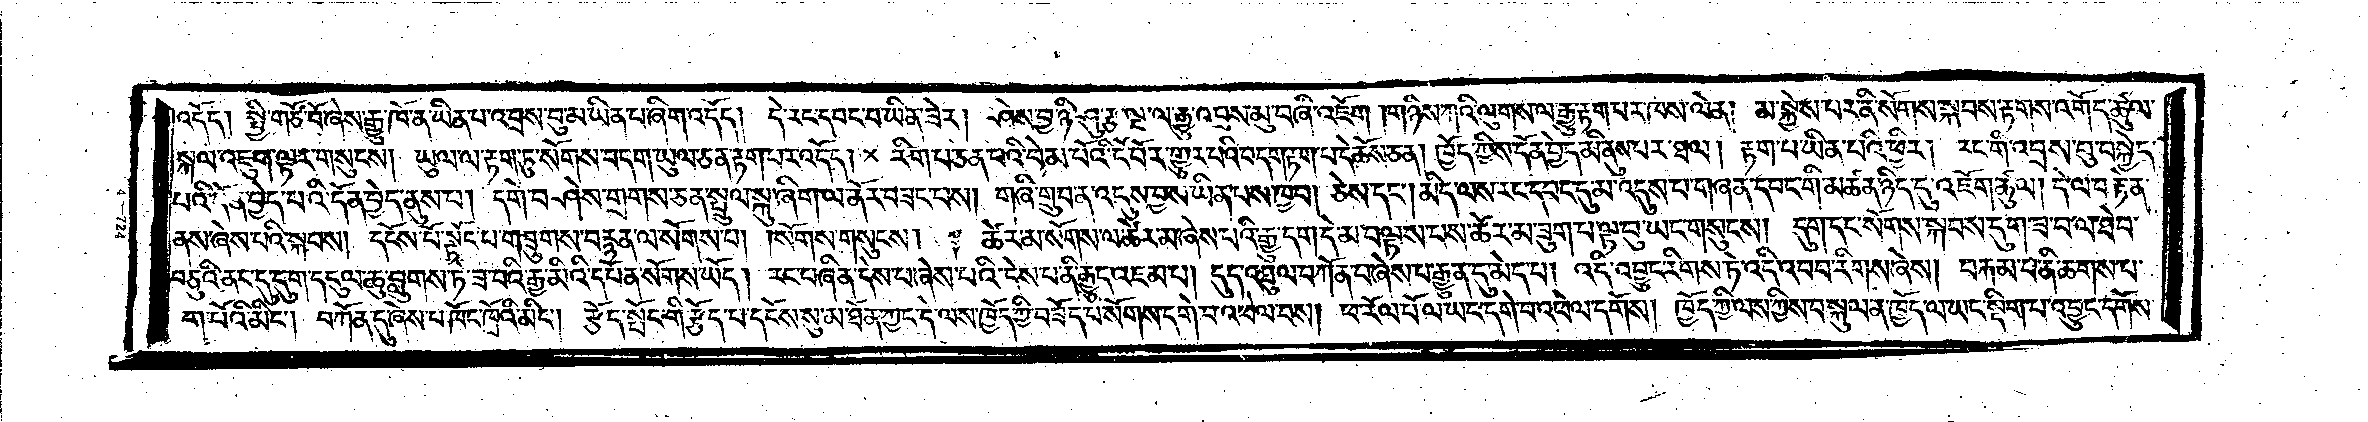འདོད། སྤྱི་གཙོ་བོ་ཞེས་རྒྱུ་ཁོ་ན་ཡིན་པ་འབྲས་བུ་མ་ཡིན་པ་ཞིག་འདོད། དེ་རང་དབང་བ་ཡིན་ཟེར། ཤེས་བྱ་ཉི་ཤུ་རྩ་ལྔ་ལ་རྒྱུ་འབྲས་མུ་བཞི་འཇོག །གཉིས་ཀའི་ལུགས་ལ་རྒྱུ་རྟག་པར་ཁས་ལེན། མ་སྐྱེས་པར་ནི་སོགས་སྐབས་རྟགས་འགོད་ཚུལ་
སྐལ་འཇུག་ལྟར་གསུངས། ཡུལ་ལ་རྟག་ཏུ་སོགས་བདག་ཡུལ་ཅན་རྟག་པར་འདོད། ྾་རིག་པ་ཅན་པའི་བེམ་པོའི་ངོ་བོར་གྱུར་པའི་བདག་རྟག་པ་དེ་ཆོས་ཅན། ཁྱོད་ཀྱིས་དོན་བྱེད་མི་ནུས་པར་ཐལ། རྟག་པ་ཡིན་པའི་ཕྱིར། རང་གི་འབྲས་བུ་བསྐྱེད་
པའི་དོན་བྱེད་པའི་དོན་བྱེད་ནུས་པ། དགེ་བཤེས་གྲགས་ཅན་སྤྲུལ་སྐུ་ཞིག་ལ་ནོར་བཟང་བས། གཞི་གྲུབ་ན་འདུས་བྱས་ཡིན་པས་ཁྱབ། ཅེས་དང་། མིད་ལས་རང་དབང་དུ་མ་འདུས་པ་གཞན་དབང་གི་མཚན་ཉིད་དུ་འཇོག་ཚུལ། དེ་ལ་བརྟེན་
ནས་ཞེས་པའི་སྐབས། དངོས་པོ་སྟོང་པ་གཟུགས་བརྙན་ལ་སོགས་པ། །སོགས་གསུངས། ༈ ཚེར་མ་སོགས་ལ་ཚེར་མ་ཞེས་པའི་རྒྱུ་དག་དེ་མ་བལྟས་པས་ཚེར་མ་ཟུག་པ་ལྟ་བུ་ཡང་གསུངས། དུག་དང་སོགས་སྐབས་དུག་ཟ་བ་ལ་ཐེབ་
བཅུའི་ནང་དུ་དུག་དངུལ་ཆུ་བླུགས་ཏེ་ཟ་བའི་རྒྱ་མིའི་དཔོན་སོགས་ཡོད། རང་བཞིན་དེས་པ་ཞེས་པའི་དེས་པ་ནི་རྒྱུད་འཇམ་པ། དུད་འཐུལ་བཀོན་པ་ཞེས་པ་རྒྱུན་དུ་མེད་པ། འདི་འབྱུང་རིགས་ཏེ་འདི་འབབ་རིགས་ཞེས། བརྐམ་པ་ནི་ཆགས་པ་
ག་པོའི་མིང་། བཀོན་དུ་ཞེས་པ་ཁོང་ཁྲོའི་མིང་། རྩོད་སྤོང་གི་རྩོད་པ་དངོས་སུ་མ་ཐོན་ཀྱང་དེ་ལས་ཁྱོད་ཀྱི་བཟོད་པ་སོགས་དགེ་བ་འཕེལ་བས། ཕ་རོལ་པོ་ལ་ཡང་དགེ་བ་འཕེལ་དགོས། ཁྱོད་ཀྱི་ལས་ཀྱིས་བསྐུལ་ན་ཁྱོད་ལ་ཡང་སྡིག་པ་འབྱུང་དགོས་